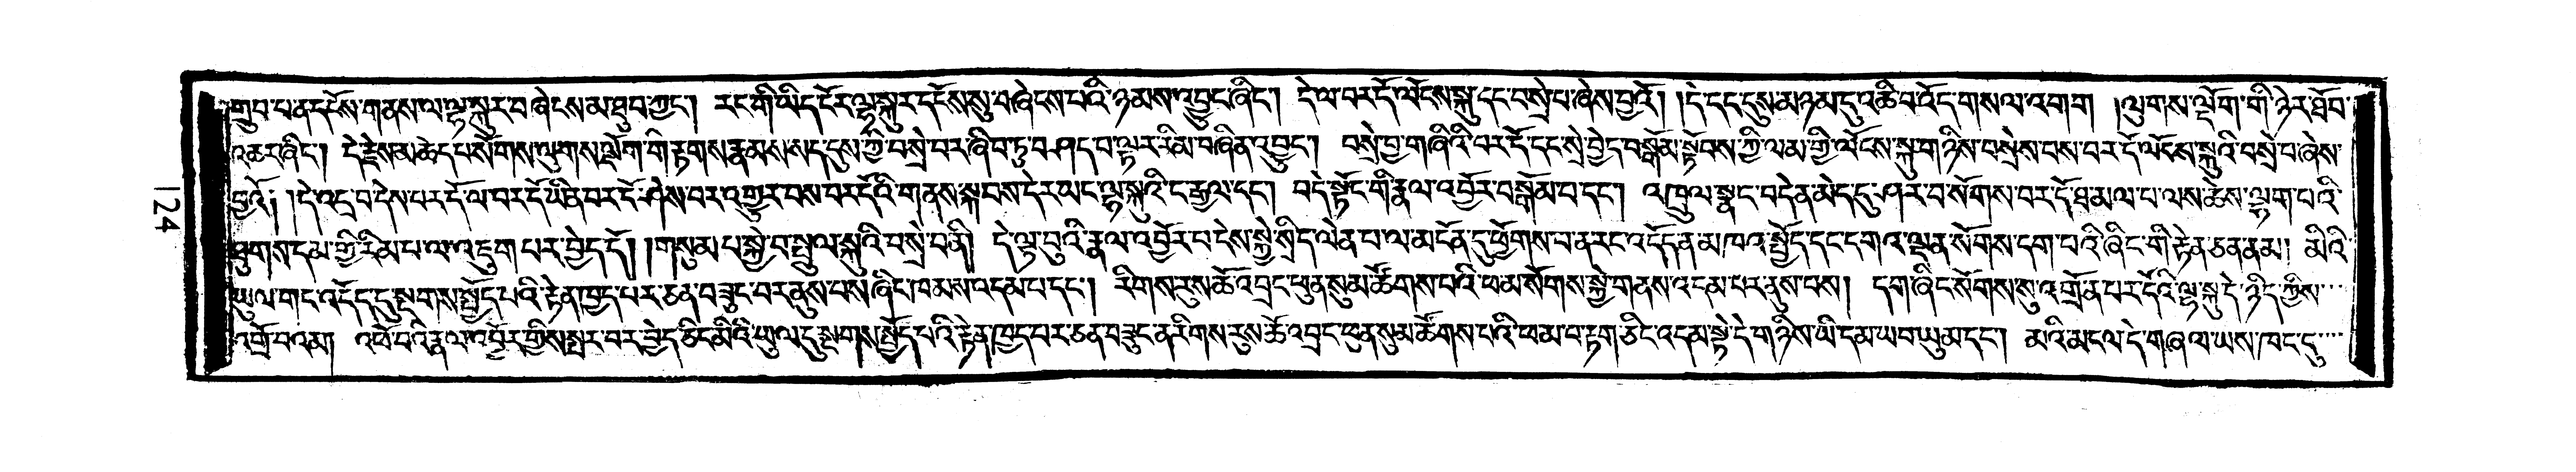གྲུབ་པ་ན་དངོས་གནས་ལ་ལྷ་སྐུར་བཞེངས་མ་ཐུབ་ཀྱང་། རང་གི་ཡིད་ངོར་ལྷ་སྐུར་དངོས་སུ་བཞེངས་པའི་ཉམས་འབྱུང་ཞིང་། དེ་ལ་བར་དོ་ལོངས་སྐུ་དང་བསྲེ་བ་ཞེས་བྱའོ། །དེ་དང་དུས་མཉམ་དུ་འཆི་བ་འོད་གསལ་འགག །ལུགས་ལྡོག་གི་ཉེར་ཐོབ་
འཆར་ཞིང་། དེ་རྗེས་མཆེད་པ་སོགས་ལུགས་ལྡོག་གི་རྟགས་རྣམས་སད་དུས་ཀྱི་བསྲེ་བར་ཞིབ་ཏུ་བཤད་པ་ལྟར་རིམ་བཞིན་འབྱུང་། བསྲེ་བྱ་གཞི་ཡི་བར་དོ་དང་སྲེ་བྱེད་བསྒོམ་སྟོབས་ཀྱི་ལམ་གྱི་ལོངས་སྐུ་གཉིས་བསྲེས་པས་བར་དོ་ལོངས་སྐུའི་བསྲེ་བ་ཞེས་
བྱའོ། །དེ་འདྲ་བ་དེས་ཕར་དོ་ལ་བར་དོ་ཡིན་པར་ངོ་ཤེས་པར་འགྱུར་བས་བར་དོའི་གནས་སྐབས་དེར་ཡང་ལྷ་སྐུའི་ང་རྒྱལ་དང་། བདེ་སྟོང་གི་རྣལ་འབྱོར་བསྒོམ་པ་དང་། འཁྲུལ་སྣང་བདེན་མེད་དུ་ཤར་བ་སོགས་བར་དོ་ཐ་མལ་པ་ལས་ཆེས་ལྷག་པའི་
ཐུགས་དམ་གྱི་རིམ་པ་ལ་འཇུག་པར་བྱེད་དོ། །གསུམ་པ་སྐྱེ་བ་སྤྲུལ་སྐུའི་བསྲེ་པ་ནི། དེ་ལྟ་བུའི་རྣལ་འབྱོར་པ་དེས་སྐྱེ་སྲིད་ལེན་པ་ལ་མངོན་དུ་ཕྱོགས་པ་ན་རང་འདོད་ན་མཁའ་སྤྱོད་དང་དགའ་ལྡན་སོགས་དག་པའི་ཞིང་གི་རྟེན་ཅན་ནམ། མིའི་
ཡུལ་གང་འདོད་དུ་སྔགས་སྤྱོད་པའི་རྟེན་ཁྱད་པར་ཅན་བཟུང་བར་ནུས་པས་ཞིང་ཁམས་འདམ་པ་དང་། རིགས་རུས་ཆོ་འབྲང་ཕུན་སུམ་ཚོགས་པའི་ཕ་མ་སོགས་སྐྱེ་གནས་འདམ་པར་ནུས་པས། དག་ཞིང་སོགས་སུ་འགྲོན་པར་དོའི་ལྷ་སྐུ་དེ་ཉིད་ཀྱིས་
འགྲོ་བའམ། འཕོ་བའི་རྣལ་འབྱོར་གྱིས་སྤར་བར་བྱེད་ཅིང་མིའི་ཡུལ་དུ་སྔགས་སྤྱོད་པའི་རྟེན་ཁྱད་པར་ཅན་བཟུང་ན་རིགས་རུས་ཆོ་འབྲང་ཕུན་སུམ་ཚོགས་པའི་ཕ་མ་བརྟག་ཅིང་འདམ་སྟེ་དེ་གཉིས་ཡིད་དམ་ཡབ་ཡུམ་དང་། མའི་མངལ་དེ་གཞལ་ཡས་ཁང་དུ་